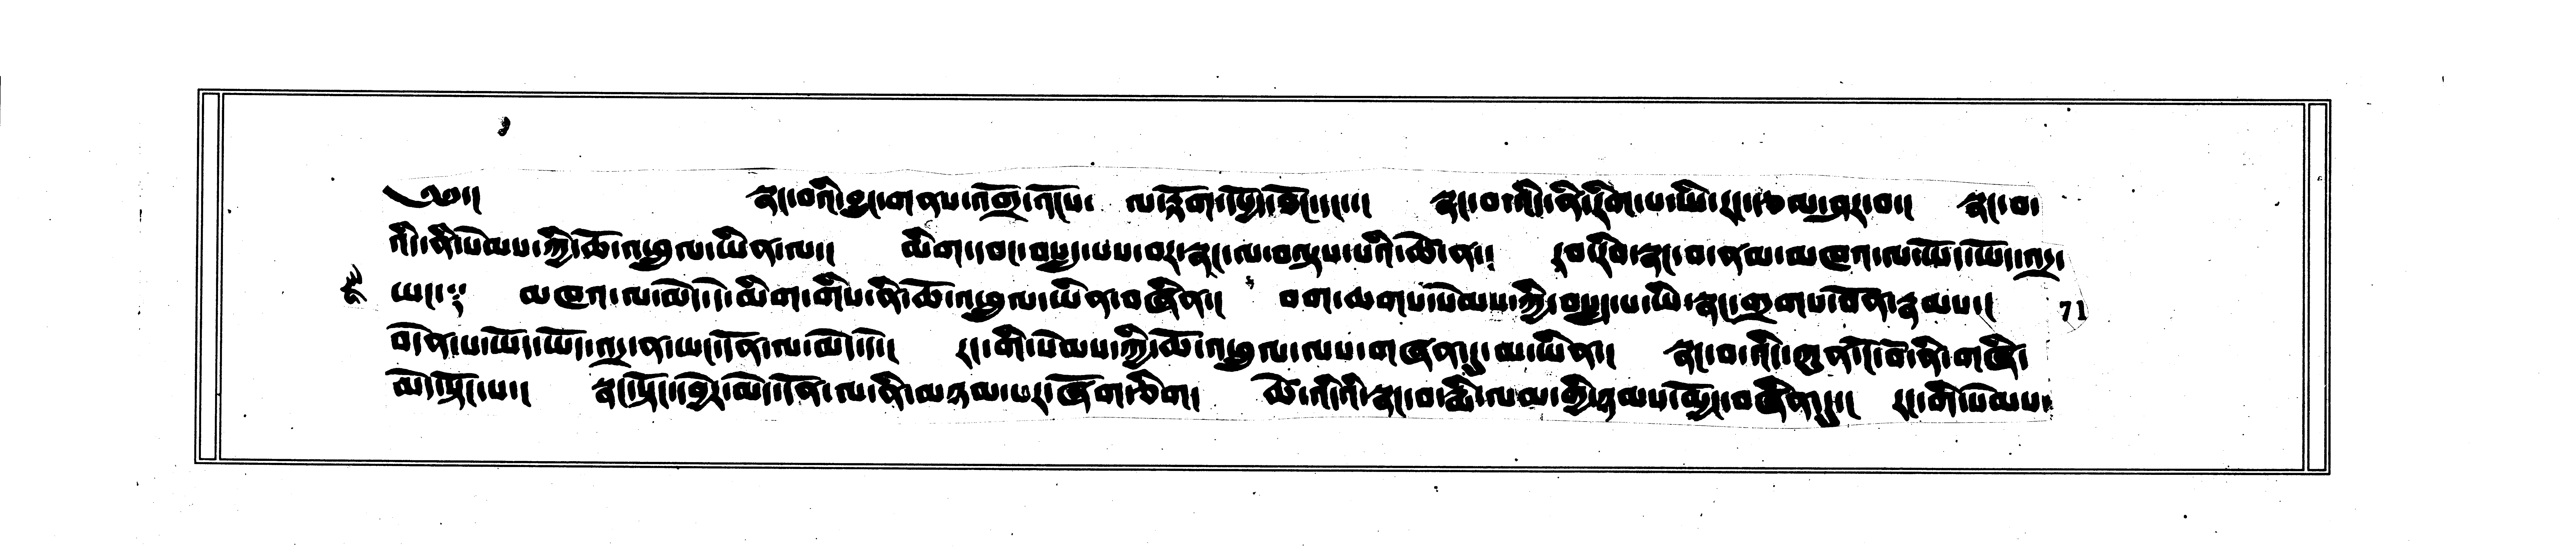སྣང་བའི་བྱུང་གནས་འགྲོ་འོང་ལ་རྟོག་དཔྱོད་ཐོངས་དང་། །སྣང་བ་འདི་ནི་རིག་ཡི་རང་རྩལ་ཤར་བ། །སྣང་བ་
འདི་ནི་སེམས་ཀྱི་ཆོ་འཕྲུལ་ཡིན་ལ། །མིག་དབང་བསླད་པས་བར་སྣང་ལ་བལྟས་པའི་ཚེ་ན། །རབ་རིབ་སྣང་བ་ནམ་མཁའ་ལ་ཡོད་ཡོད་འདྲ་
ཡང་། །མཁའ་ལ་མེད་དེ་མིག་གི་ནི་ཆོ་འཕྲུལ་ཡིན་བཞིན། །བག་ཆགས་སེམས་ཀྱིས་བསླད་པའི་སྣང་གྲགས་བོན་རྣམས། །
བདེན་པ་ཡོད་ཡོད་འདྲ་ནའང་དོན་ལ་མེད་དོ། །རང་གི་སེམས་ཀྱི་ཆོ་འཕྲུལ་ལས་གཞན་དུ་མིན། །སྣང་བ་འདི་ཀུན་ངོ་བོ་ནི་གཞི་
མེད་སྟོང་པ། །སྣང་སྟོང་དབྱེར་མེད་དོན་ལ་ནི་མཉམ་པར་ཞོག་ཅིག །ཚེ་འདིའི་སྣང་རྨི་ལམ་གྱི་ཉམས་མྱོང་བཞིན་དུ། །རང་གི་སེམས་